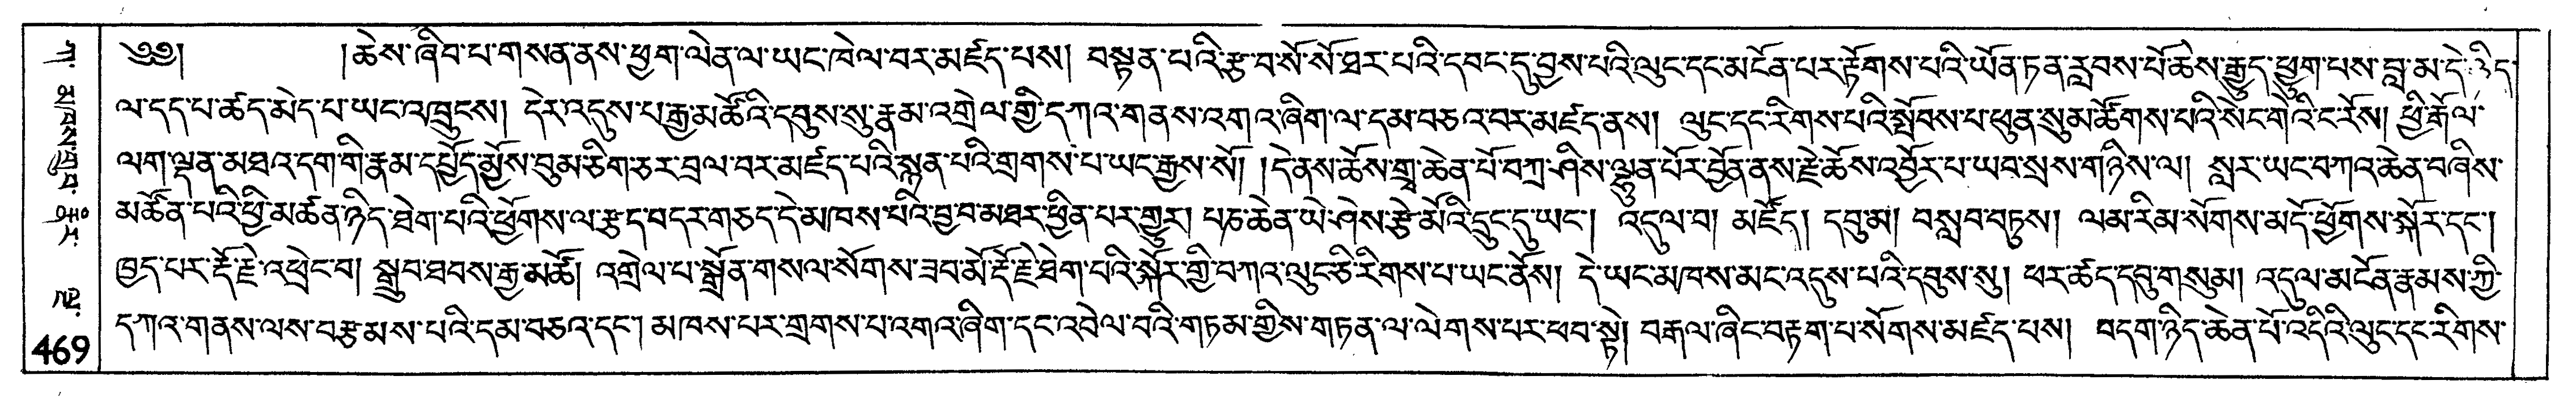༄༅། །ཆེས་ཞིབ་པ་གསན་ནས་ཕྱག་ལེན་ལ་ཡང་ཁེལ་བར་མཛད་པས། བསྟན་པའི་རྩ་བ་སོ་སོ་ཐར་པའི་དབང་དུ་བྱས་པའི་ལུང་དང་མངོན་པར་རྟོགས་པའི་ཡོན་ཏན་རླབས་པོ་ཆེས་རྒྱུད་ཕྱུག་པས་བླ་མ་དེ་ཉིད་
ལ་དད་པ་ཚད་མེད་པ་ཡང་འཁྲུངས། དེར་འདུས་པ་རྒྱ་མཚོའི་དབུས་སུ་རྣམ་འགྲེལ་གྱི་དཀའ་གནས་འགའ་ཞིག་ལ་དམ་བཅའ་བར་མཛད་ནས། ལུང་དང་རིགས་པའི་སྤོབས་པ་ཕུན་སུམ་ཚོགས་པའི་སེང་གེའི་ང་རོས། ཕྱི་རྒོལ་
ལག་ལྡན་མཐའ་དག་གི་རྣམ་དཔྱོད་མྱོས་བུམ་ཅིག་ཅར་བྲལ་བར་མཛད་པའི་སྙན་པའི་གྲགས་པ་ཡང་རྒྱས་སོ། །དེ་ནས་ཆོས་གྲྭ་ཆེན་པོ་བཀྲ་ཤིས་ལྷུན་པོར་བྱོན་ནས་རྗེ་ཆོས་འབྱོར་པ་ཡབ་སྲས་གཉིས་ལ། སླར་ཡང་བཀའ་ཆེན་བཞིས་
མཚོན་པའི་ཕྱི་མཚན་ཉིད་ཐེག་པའི་ཕྱོགས་ལ་རྩད་བདར་གཅད་དེ་མཁས་པའི་བྱ་བ་མཐར་ཕྱིན་པར་གྱུར། པཎ་ཆེན་ཡེ་ཤེས་རྩེ་མོའི་དྲུང་དུ་ཡང་། འདུལ་བ། མཛོད། དབུ་མ། བསླབ་བཏུས། ལམ་རིམ་སོགས་མདོ་ཕྱོགས་སྐོར་དང་།
ཁྱད་པར་རྡོ་རྗེ་འཕྲེང་བ། སྒྲུབ་ཐབས་རྒྱ་མཚོ། འགྲེལ་པ་སྒྲོན་གསལ་སོགས་ཟབ་མོ་རྡོ་རྗེ་ཐེག་པའི་སྐོར་གྱི་བཀའ་ལུང་ཅི་རིགས་པ་ཡང་ནོས། དེ་ཡང་མཁས་མང་འདུས་པའི་དབུས་སུ། ཕར་ཚད་དབུ་གསུམ། འདུལ་མངོན་རྣམས་ཀྱི་
དཀའ་གནས་ལས་བརྩམས་པའི་དམ་བཅའ་དང་། མཁས་པར་གྲགས་པ་འགའ་ཞིག་དང་འབེལ་བའི་གཏམ་གྱིས་གཏན་ལ་ལེགས་པར་ཕབ་སྟེ། བརྒལ་ཞིང་བརྟག་པ་སོགས་མཛད་པས། བདག་ཉིད་ཆེན་པོ་འདིའི་ལུང་དང་རིགས་